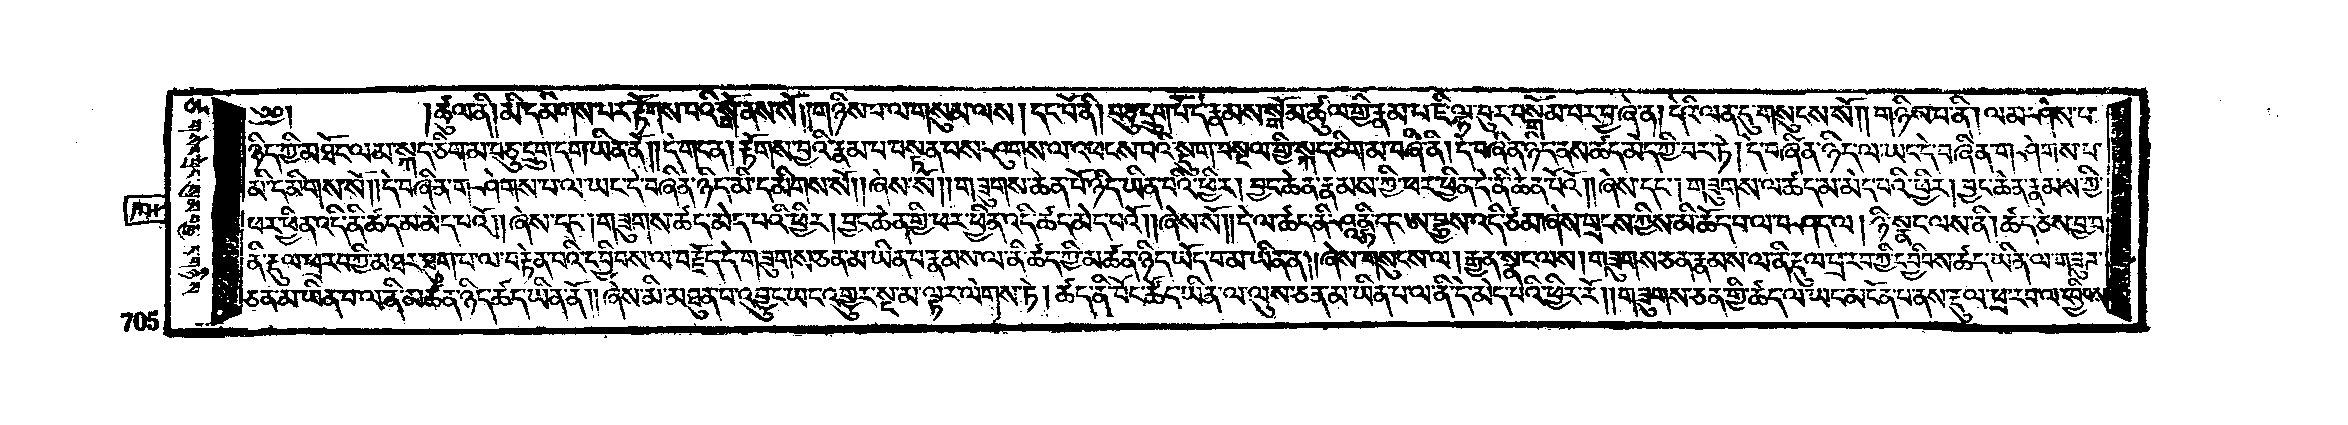༄༅། །ཚུལ་ནི། མི་དམིགས་པར་རྟོགས་པའི་སྒོ་ནས་སོ། །གཉིས་པ་ལ་གསུམ་ལས། དང་པོ་ནི། བཅུ་དྲུག་པོ་དེ་རྣམས་སྒོམ་ཚུལ་གྱི་རྣམ་པ་ཇི་ལྟ་བུར་བསྒོམ་པར་བྱ་ཞེ་ན། དེའི་ལན་དུ་གསུངས་སོ། །གཉིས་པ་ནི། ལམ་ཤེས་པ་
ཉིད་ཀྱི་མཐོང་ལམ་སྐད་ཅིག་མ་བཅུ་དྲུག་དག་ཡིན་ནོ། །དེ་གང་ན། རྟོགས་བྱའི་རྣམ་པ་བསྟན་པས་ཤུགས་ལ་འཕངས་པའི་སྡུག་བསྔལ་གྱི་སྐད་ཅིག་མ་བཞི་ནི། དེ་བཞིན་ཉིད་ནས་ཚད་མེད་ཀྱི་བར་ཏེ། དེ་བཞིན་ཉིད་ལ་ཡང་དེ་བཞིན་གཤེགས་པ་
མི་དམིགས་སོ། །དེ་བཞིན་གཤེགས་པ་ལ་ཡང་དེ་བཞིན་ཉིད་མི་དམིགས་སོ། །ཞེས་སོ། །གཟུགས་ཆེན་པོ་ཉིད་ཡིན་པའི་ཕྱིར། བྱང་ཆེན་རྣམས་ཀྱི་ཕར་ཕྱིན་དེ་ནི་ཆེན་པོའོ། །ཞེས་དང་། གཟུགས་ལ་ཚད་མ་མེད་པའི་ཕྱིར། བྱང་ཆེན་རྣམས་ཀྱི་
ཕར་ཕྱིན་འདི་ནི་ཚད་མ་མེད་པའོ། །ཞེས་དང་། གཟུགས་ཚད་མེད་པའི་ཕྱིར། བྱང་ཆེན་གྱི་ཕར་ཕྱིན་འདི་ཚད་མེད་པའོ། །ཞེས་སོ། །དེ་ལ་ཚད་ནི་ཤཱནྟི་དང་ཨ་བྷྱས་འདི་ཙམ་ཞེས་གྲངས་ཀྱིས་མི་ཆོད་པ་ལ་བཤད་ལ། ཉི་སྣང་ལས་ནི། ཚད་ཅེས་བྱ་བ་
ནི་རྡུལ་ཕྲ་རབ་ཀྱི་མཐར་ཐུག་པ་ལ་བརྟེན་པའི་དབྱིབས་ལ་བརྗོད་དེ་གཟུགས་ཅན་མ་ཡིན་པ་རྣམས་ལ་ནི་ཚད་ཀྱི་མཚན་ཉིད་ཡོད་པ་མ་ཡིན་ནོ། །ཞེས་གསུངས་ལ། རྒྱན་སྣང་ལས། གཟུགས་ཅན་རྣམས་ལ་ནི་རྡུལ་ཕྲ་རབ་ཀྱི་དབྱིབས་ཚད་ཡིན་ལ་གཟུགས་
ཅན་མ་ཡིན་པ་ལ་ནི་མཚན་ཉིད་ཚད་ཡིན་ནོ། །ཞེས་མི་མཐུན་པ་འབྱུང་ཡང་འགྱུར་སྔ་མ་ལྟར་ལེགས་ཏེ། ཚད་ནི་བོད་ཚོད་ཡིན་ལ་ལུས་ཅན་མ་ཡིན་པ་ལ་ནི་དེ་མེད་པའི་ཕྱིར་རོ། །གཟུགས་ཅན་གྱི་ཚད་ལ་ཡང་མངོན་པ་ནས་རྡུལ་ཕྲ་རབ་ལ་དབྱིབས་